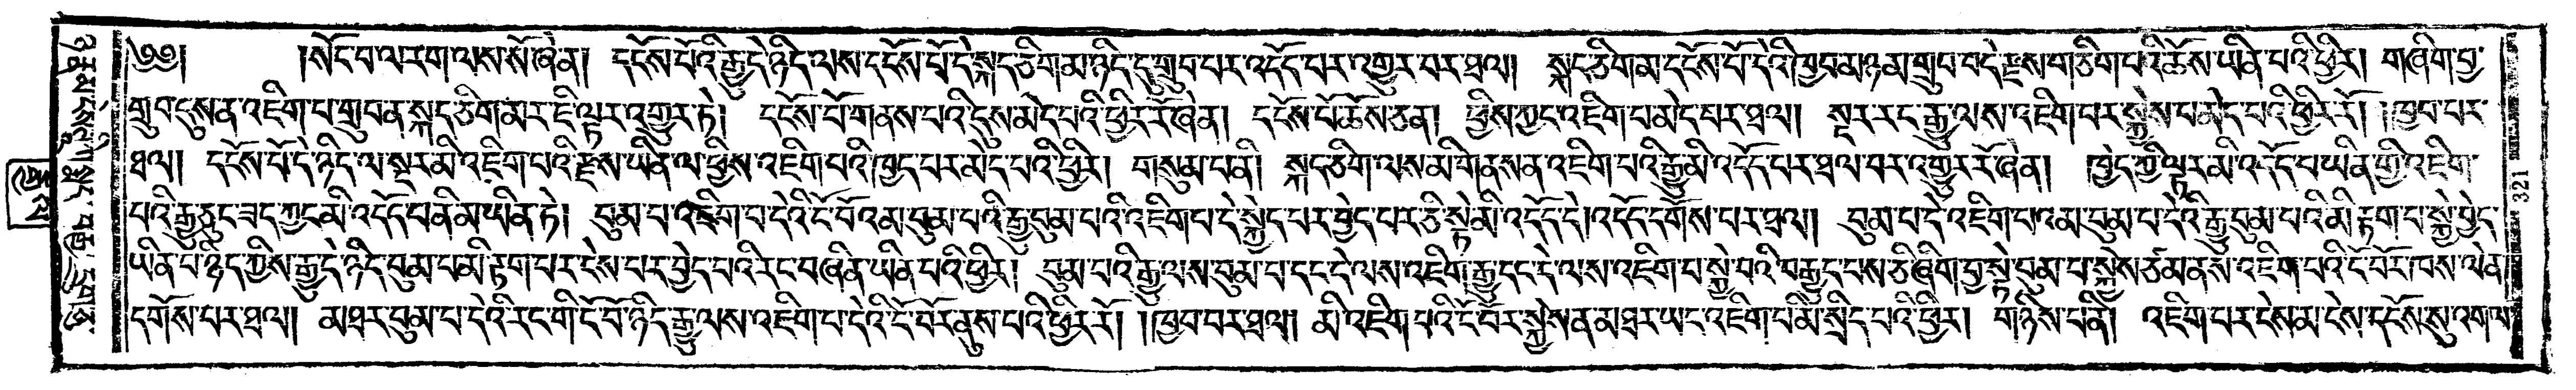༄༅། །སོང་བ་ལ་རག་ལས་སོ་ཞེ་ན། དངོས་པོའི་རྒྱུ་དེ་ཉིད་ལས་དངོས་པོ་དེ་སྐད་ཅིག་མ་ཉིད་དུ་གྲུབ་པར་འདོད་པར་འགྱུར་པར་ཐལ། སྐད་ཅིག་མ་དངོས་པོ་དེའི་ཁྱབ་མཉམ་གྲུབ་བདེ་རྫས་གཅིག་པའི་ཆོས་ཡིན་པའི་ཕྱིར། གཞིག་བྱ་
གྲུབ་དུས་ན་འཇིག་པ་གྲུབ་ན་སྐད་ཅིག་མར་ཇི་ལྟར་འགྱུར་ཏེ། དངོས་པོ་གནས་པའི་དུས་མེད་པའི་ཕྱིར་རོ་ཞེ་ན། དངོས་པོ་ཆོས་ཅན། ཕྱིས་ཀྱང་འཇིག་པ་མེད་པར་ཐལ། སྔར་རང་རྒྱུ་ལས་འཇིག་པར་སྐྱེས་པ་མེད་པའི་ཕྱིར་རོ། །ཁྱབ་པར་
ཐལ། དངོས་པོ་དེ་ཉིད་ལ་སྔར་མི་འཇིག་པའི་རྫས་ཡིན་ལ་ཕྱིས་འཇིག་པའི་ཁྱད་པར་མེད་པའི་ཕྱིར། གསུམ་པ་ནི། སྐད་ཅིག་ལས་མི་གནས་ན་འཇིག་པའི་རྒྱུ་མི་འདོད་པར་ཐལ་པར་འགྱུར་རོ་ཞེ་ན། ཁྱེད་ཀྱི་ལྟར་མི་འདོད་པ་ཡིན་གྱི་འཇིག་
པའི་རྒྱུ་ཅུང་ཟད་ཀྱང་མི་འདོད་པ་ནི་མ་ཡིན་ཏེ། བུམ་པ་འཇིག་པ་དེའི་ངོ་བོའམ་བུམ་པའི་རྒྱུ་བུམ་པའི་འཇིག་པ་དེ་སྐྱེད་པར་བྱེད་པར་ཅི་སྟེ་མི་འདོད་དེ། འདོད་དགོས་པར་ཐལ། བུམ་པ་དེ་འཇིག་པའམ་བུམ་པ་དེའི་རྒྱུ་བུམ་པའི་མི་རྟག་པ་སྐྱེ་བྱེད་
ཡིན་པ་ཉིད་ཀྱིས་རྒྱུ་དེ་ཉིད་བུམ་པ་མི་རྟག་པར་ངེས་པར་བྱེད་པའི་རང་བཞིན་ཡིན་པའི་ཕྱིར། བུམ་པའི་རྒྱུ་ལས་བུམ་པ་དང་དེ་ལས་འཇིག་རྒྱུ་དང་དེ་ལས་འཇིག་པ་སྐྱེ་བའི་བརྒྱུད་པས་ཅི་ཞིག་བྱ་སྟེ་བུམ་པ་སྐྱེས་ཙམ་ནས་འཇིག་པའི་ངོ་བོར་ཁས་ལེན་
དགོས་པར་ཐལ། མཐར་བུམ་པ་དེའི་རང་གི་ངོ་བོ་ཉིད་རྒྱུ་ལས་འཇིག་པ་དེའི་ངོ་བོར་ནུས་པའི་ཕྱིར་རོ། །ཁྱབ་བར་ཐལ། མི་འཇིག་པའི་ངོ་བོར་སྐྱེས་ན་མཐར་ཡང་འཇིག་པ་མི་སྲིད་པའི་ཕྱིར། གཉིས་པ་ནི། འཇིག་པར་ངེས་མ་ངེས་དངོས་སུ་འགལ་